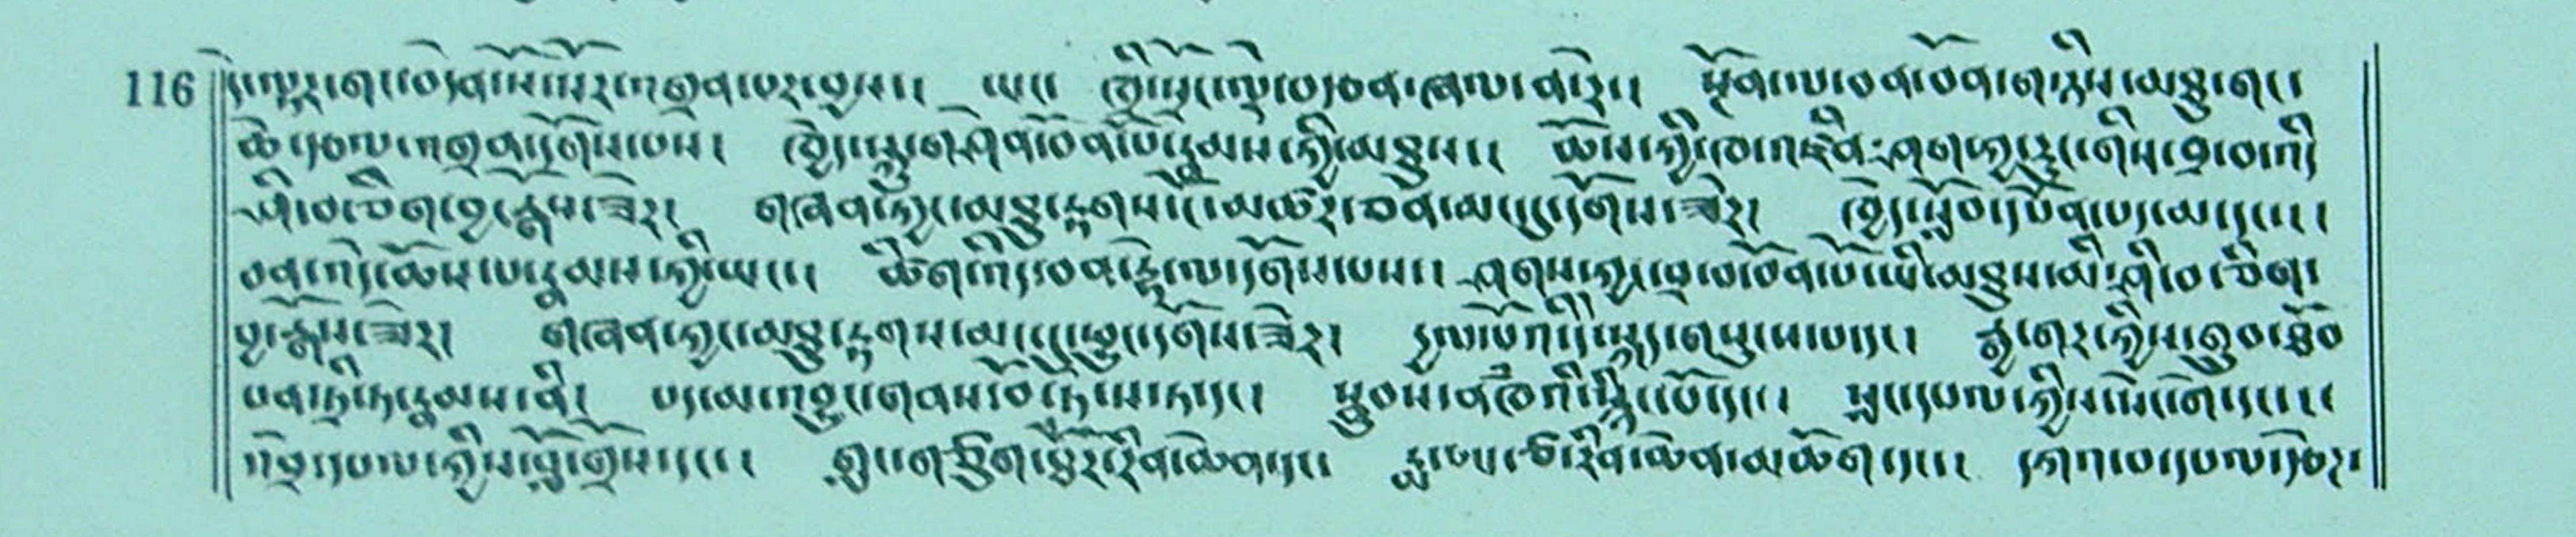དེ་ལྟར་གང་བདེན་སོ་སོར་འགྲན་པར་བྱས། ཡང་ཁྲི་སྲོང་ལྡེ་བཙན་ཞལ་ན་རེ། སྔོན་ལ་བན་བོན་གཉིས་མཐུ་གང་
ཆེ་རྩལ་འགྲན་དགོས་པས། ཁྱེད་སྐུ་གཤེན་བོན་པོ་རྣམས་ཀྱི་མཐུས། ཆོས་ཀྱི་ཁ་འཛིན་ཤག་ཀྱ་རུང་གི་བྲ་བ་འདི་
ཤི་བ་གཅིག་བྱ་རྒོས་ཟེར། གཞན་ཡང་མཐུ་རྟགས་ངོ་མཚར་ཅན་མང་དུ་དགོས་ཟེར། ཁྱེད་སློབ་དཔོན་པད་མ་དང་། 
བན་དྷེ་ཆོས་པ་རྣམས་ཀྱིས་ཡང་། ཚིག་འདི་བན་དྷེ་ལ་དགོས་པས། ཤགས་ཀྱང་བྲ་བ་བོན་པོ་ཡི་མཐུས་མི་ཤི་བ་ཅིག་
བྱ་རྒོས་ཟེར། གཞན་ཡང་མཐུ་རྟགས་མང་དུ་ཕྱུང་དགོས་ཟེར། རྒྱལ་པོའི་དེ་སྐད་གསུངས་པ་དང་། རྒྱ་གར་གྱིས་གྲུབ་ཐོབ་
པནྚི་ཏ་རྣམས་ནི། པད་མ་འབྱུང་གནས་དང་བོ་ཏེ་ས་ཏྭ་དང་། སྣུབས་ནམ་མཁའི་སྙིང་པོ་དང་། སླང་དཔལ་གྱི་སེང་གེ་དང་། 
འབྲི་དཔལ་གྱི་བློ་གྲོས་དང་། གླང་གཙུག་ཐོར་རིན་ཆེན་དང་། རྨ་ཨ་ཙ་ར་རིན་ཆེན་མཆོག་དང་། དཀའ་བ་དཔལ་བརྩེགས་